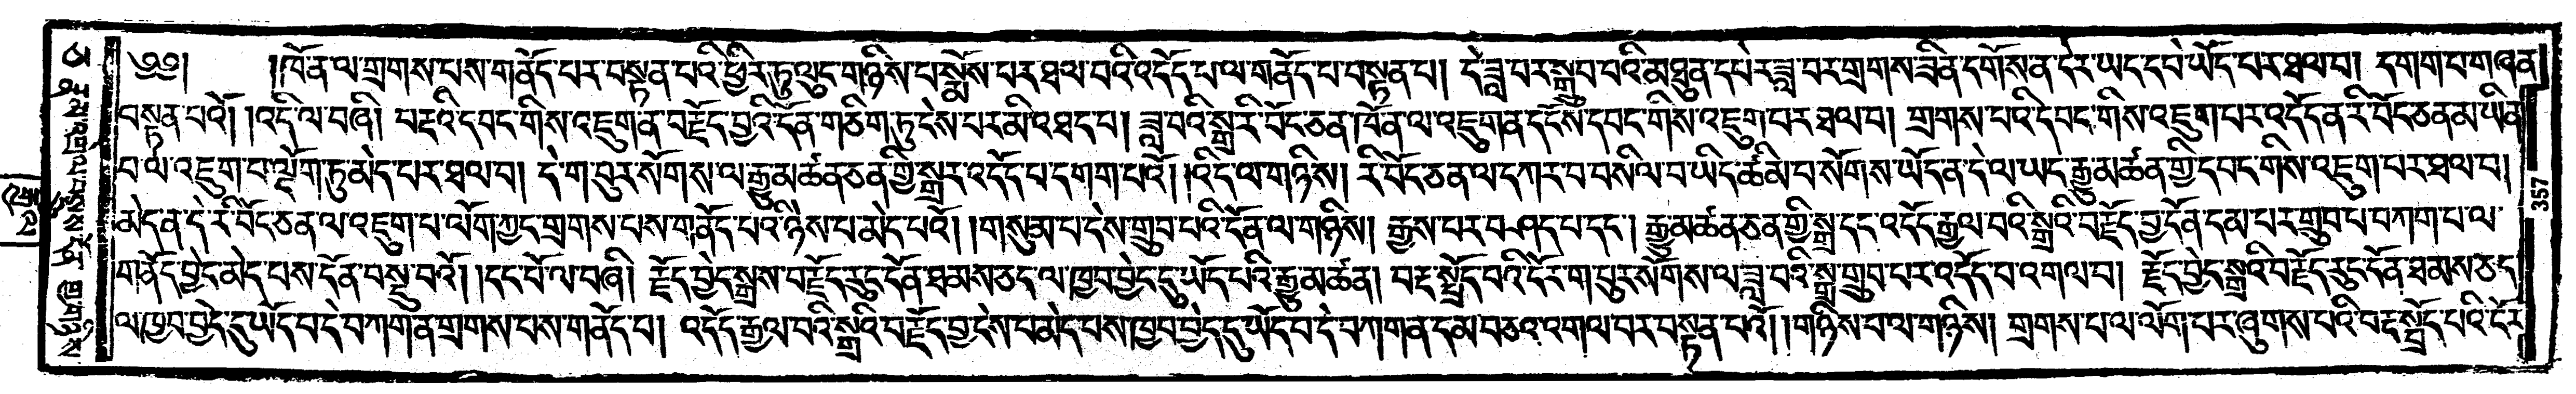༄༅། །ཁོ་ན་ལ་གྲགས་པས་གནོད་པར་བསྟན་པའི་ཕྱིར་ཏུ་ལུང་གཉིས་པ་སྨོས་པར་ཐལ་བའི་འདོད་པ་ལ་གནོད་པ་བསྟན་པ། དེ་ཟླ་བར་སྒྲུབ་པའི་མཐུན་དཔེར་ཟླ་བར་གྲགས་ཟིན་དགོས་ན་དེར་ཡང་དཔེ་ཡོད་པར་ཐལ་བ། དགག་པ་གཞན་
བསྟན་པའོ། །འདི་ལ་བཞི། བརྡའི་དབང་གིས་འཇུག་ན་བརྗོད་བྱའི་དོན་གཅིག་ཏུ་ངེས་པར་མི་འཐད་པ། ཟླ་བའི་སྒྲ་རི་བོང་ཅན་ཁོ་ན་ལ་འཇུག་ན་དངོས་དབང་གིས་འཇུག་པར་ཐལ་བ། གྲགས་པའི་དབང་གིས་འཇུག་པར་འདོད་ན་རི་བོང་ཅན་མ་ཡིན་
པ་ལ་འཇུག་པ་ལྡོག་ཏུ་མེད་པར་ཐལ་བ། དེ་ག་བུར་སོགས་ལ་རྒྱུ་མཚན་ཅན་གྱི་སྒྲར་འདོད་པ་དགག་པའོ། །འདི་ལ་གཉིས། རི་བོང་ཅན་ལ་དཀར་བ་བསིལ་བ་ཡིད་ཚིམ་པ་སོགས་ཡོད་ན་དེ་ལ་ཡང་རྒྱུ་མཚན་གྱི་དབང་གིས་འཇུག་པར་ཐལ་བ།
མེད་ན་དེ་རི་བོང་ཅན་ལ་འཇུག་པ་ལོག་ཀྱང་གྲགས་པས་གནོད་པའི་ཉེས་པ་མེད་པའོ། །གསུམ་པ་དེས་གྲུབ་པའི་དོན་ལ་གཉིས། རྒྱས་པར་བཤད་པ་དང་། རྒྱུ་མཚན་ཅན་གྱི་སྒྲ་དང་འདོད་རྒྱལ་བའི་སྒྲའི་བརྗོད་བྱ་དོན་དམ་པར་གྲུབ་པ་བཀག་པ་ལ་
གནོད་བྱེད་མེད་པས་དོན་བསྡུ་བའོ། །དང་པོ་ལ་བཞི། རྗོད་བྱེད་སྒྲས་བརྗོད་རུང་དོན་ཐམས་ཅད་ལ་ཁྱབ་བྱེད་དུ་ཡོད་པའི་རྒྱུ་མཚན། བརྡ་སྤྲོད་པའི་དོར་ག་པུར་སོགས་ལ་ཟླ་བའི་སྒྲ་གྲུབ་པར་འདོད་པ་འགལ་བ། རྗོད་བྱེད་སྒྲའི་བརྗོད་རུང་དོན་ཐམས་ཅད་
ལ་ཁྱབ་བྱེད་དུ་ཡོད་པ་དེ་བཀག་ན་གྲགས་པས་གནོད་པ། འདོད་རྒྱལ་བའི་སྒྲའི་བརྗོད་བྱ་ངེས་པ་མེད་པས་ཁྱབ་བྱེད་དུ་ཡོད་པ་དེ་བཀག་ན་དམ་བཅའ་འགལ་བར་བསྟན་པའོ། །གཉིས་པ་ལ་གཉིས། གྲགས་པ་ལ་ལོག་པར་ཞུགས་པའི་བརྡ་སྤྲོད་པའི་ངོར་